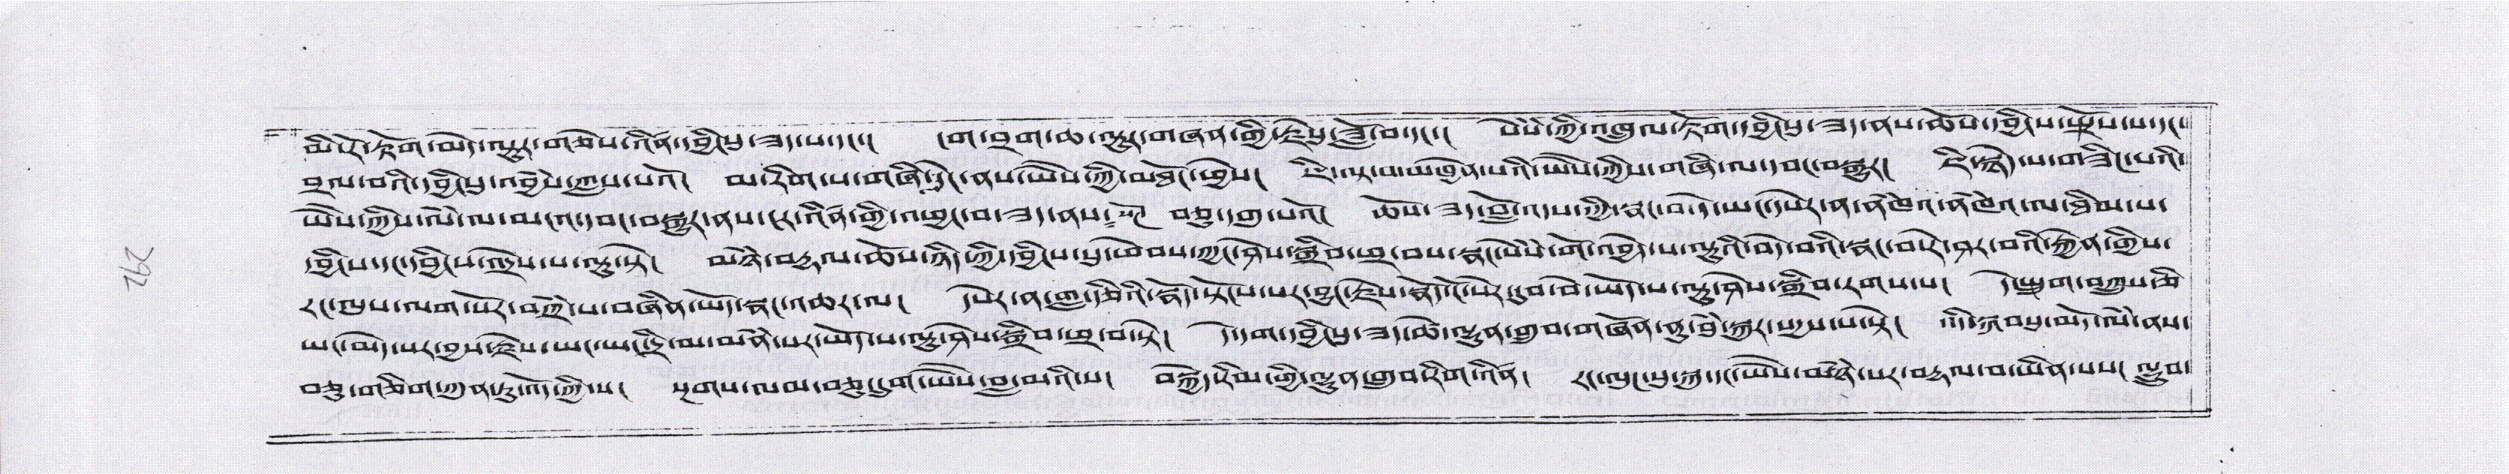མི་རོ་རྟོག་མེད་ལྟ་བུར་གཅེས་འཛིན་དབྱིངས་སུ་ཟད་པ་དང། ངག་བྲག་ཆ་ལྟ་བུར་གཞན་གྱི་རྗེས་སུ་ཟློ་བ་དང། སེམས་ཀྱི་འཁྲུལ་རྟོག་དབྱིངས་སུ་ཟད་ནས་ཆོས་དབྱིངས་སྤྲོས་པ་དང་
བྲལ་བའི་དབྱིངས་སུ་འབྱམས་ཀླས་པའོ། མ་རིག་པ་གཞི་ལ་དེང་ནས་ཡེ་ཤེས་ཀྱི་མཐོང་ཕྱེས། ཇི་ལྟ་བ་མཁྱེན་པའི་ཡེ་ཤེས་ཀྱིས་གཞི་ལ་དབང་བསྒྱུར། ཇི་སྙེད་པ་གཟིགས་པའི་
ཡེ་ཤེས་ཀྱིས་ལམ་ལ་མངའ་དབང་བསྒྱུར་ནས་ངར་འཛིན་གྱི་འཕྱང་བ་ཟད་ནས་སོགས་བཅུ་དགུ་པའོ། ཆོས་ཟད་བློ་འདས་ཀྱི་སྣང་བ་དེ་ཡང་དཔེར་ན་ནམ་མཁའ་ལ་ཐིམ་པ་
དབྱིངས་དང་དབྱིངས་འདྲེས་པ་ལྟ་བུ་སྟེ། མཉམ་བརྡལ་ཆོས་ཉིད་ཀྱི་དབྱིངས་སུ་ཕེབས་ཀྱང་ཤེས་སྒྲིབ་ཕྲ་བས་སྣང་སེམས་གོ་འབྱེད་པ་ལྟ་བུའི་བདེ་བའི་སྣང་བ་རེ་ཤར་བའི་རྐྱེན་གྱིས་
རང་ལུས་ལག་སོར་བཀྲམ་པ་བཞིན་ཡོད་སྣང་འཆར་ལ། དཔེར་ན་གླ་རྩིའི་སྣོད་སྟོངས་པར་བྱུང་རྗེས་སྣོད་ངོ་སེར་དུབ་བེ་ཡོད་པ་ལྟ་བུ་ཤེས་སྒྲིབ་རགས་པ། དེ་སྤྲུག་བཀྲུས་ཅི་
ཡང་མེད་པར་བྱས་རྗེས་ཡང་ཡང་དྲི་མ་མནམ་པར་ཡོད་པ་ལྟ་བུ་ཤེས་སྒྲིབ་ཕྲ་བ་སྟེ། དེ་དག་དབྱིངས་སུ་ཟད་ཚེ་ལྷུན་གྲུབ་གཞོན་ནུ་བུམ་སྐུར་སངས་རྒྱས་པ་སྟེ། འདི་སྐབས་སུ་མདོ་ལམ་ནས་
བཅུ་གཅིག་ཀུན་ཏུ་འོད་ཀྱི་ས། སྔགས་ལམ་བཅུ་དྲུག་ཡེ་ཤེས་བླ་མའི་ས། བསྐྱེད་རིམ་གྱི་ལྷུན་གྲུབ་རིག་འཛིན། རང་ལུགས་སུ་སྐུ་དང་ཡེ་ཤེས་མཉམ་པར་བརྡལ་བ་ཡིན་པས། ལྷུན་གྲུབ་